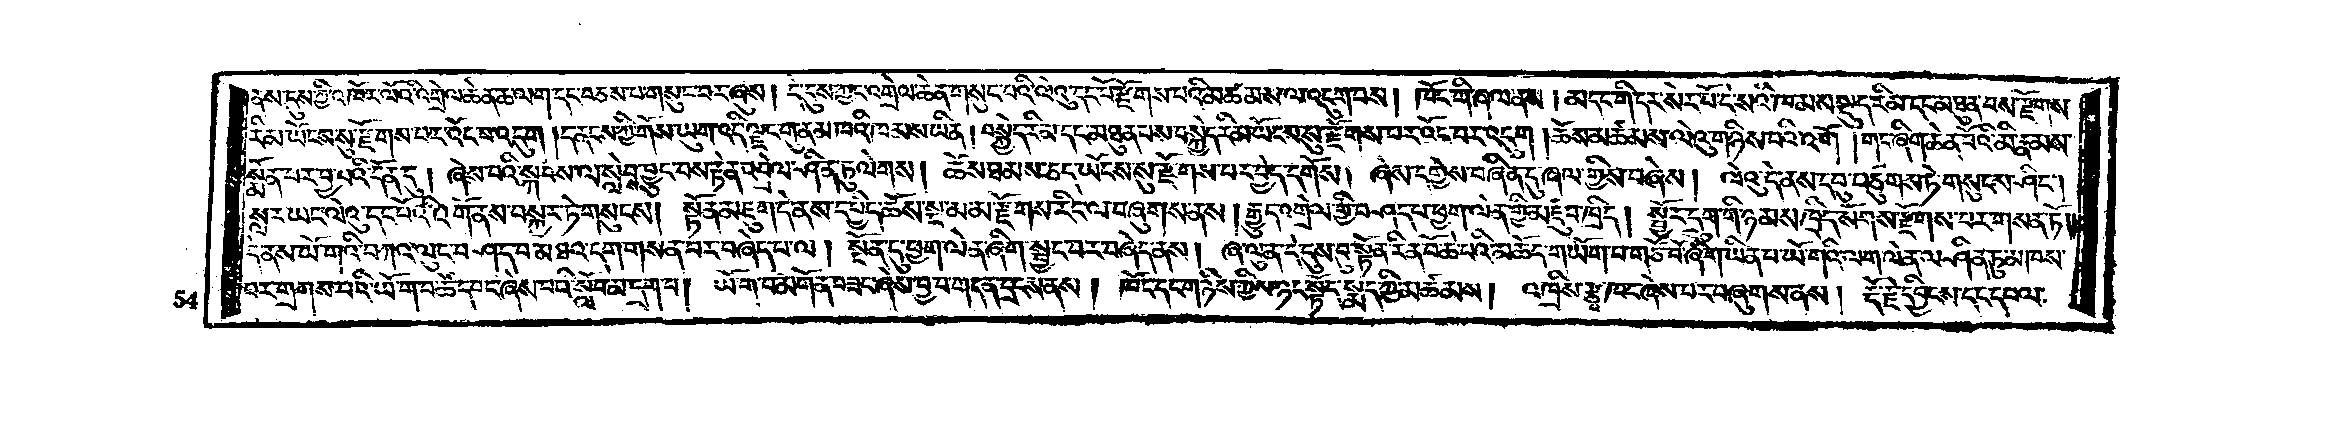ནས་དུས་ཀྱི་འཁོར་ལོའི་འགྲེལ་ཆེན་ཆ་ལག་དང་བཅས་པ་གསུང་བར་ཞུས། དེ་དུས་ཀྱང་འགྲེལ་ཆེན་གསུང་པའི་ལེའུ་དང་པོ་རྫོགས་པའི་མཚམས་ལ་འདུག་བས། ཁོང་གི་ཞལ་ནས། མདང་གི་དར་སེར་པོ་དེ་སའི་ཁམས་སྡུད་རིམ་དང་མཐུན་པས་རྫོགས་
རིམ་ཡོངས་སུ་རྫོགས་པར་འོང་བ་འདུག །ད་ནངས་ཀྱི་གོས་ཡུག་འདི་ལྗང་གུ་ནམ་ཁའི་ཁམས་ཡིན། བསྐྱེད་རིམ་དང་མཐུན་པས་བསྐྱེད་རིམ་ཡོངས་སུ་རྫོགས་པར་འོང་བར་འདུག །ཆོས་མཚམས་ལེའུ་གཉིས་པའི་འགོ །གང་ཞིག་ཆེན་པོའི་མི་རྣམས་
སྨོན་པར་བྱ་བའི་དོན་དུ། ཞེས་པའི་སྐབས་ལ་སླེབས་བྱུང་བས་རྟེན་འབྲེལ་ཤིན་ཏུ་ལེགས། ཆོས་ཐམས་ཅད་ཡོངས་སུ་རྫོགས་པར་བྱེད་དགོས། ཞེས་དགྱེས་བཞིན་དུ་ཞལ་གྱིས་བཞེས། ལེའུ་དེ་ནས་དབུ་བཙུགས་ཏེ་གསུངས་ཤིང་།
སླར་ཡང་ལེའུ་དང་པོའི་གོ་ནས་བསྐྱར་ཏེ་གསུངས། སྟོན་མཇུག་དེ་ནས་དཔྱིད་ཆོས་སྔ་མ་རྫོགས་རིང་ལ་བཞུགས་ནས་།རྒྱུད་འགྲེལ་གྱི་བཤད་པ་ཕྱག་ལེན་གྱི་མཛུབ་ཁྲིད། སྦྱོར་དྲུག་གི་ཉམས་ཁྲིད་སོགས་རྫོགས་པར་གསན་ཏོ།།
དེ་ནས་ཡོ་གའི་བཀའ་ལུང་བཤད་པ་མཐའ་དག་གསན་པར་བཞེད་པ་ལ། སྔོན་དུ་ཕྱག་ལེན་ཞིག་སྦྱང་བར་བཞེད་ནས། ཞ་ལུ་ན་དེ་དུས་བུ་སྟོན་རིན་པོ་ཆེ་པའི་མཆོད་གཡོག་པ་གཙོ་བོ་ཞིག་ཡིན་པ་ཡོ་གའི་ལག་ལེན་ལ་ཤིན་ཏུ་མཁས་
པར་གྲགས་པའི་ཡོ་ག་བ་ཚེ་དབང་ཞེས་པའི་སློབ་མ་དྲག་པ། ཡོ་ག་བ་མགོན་བཟང་ཞེས་བྱ་བ་གདན་དྲངས་ནས། ཁོང་དང་གཉིས་ཀྱིས་ཉང་སྟོད་སྨད་ཀྱི་མཚམས། འཁྲིས་རྩྭ་ཁང་ཞེས་པར་བཞུགས་ནས། རྡོ་རྗེ་དབྱིངས་དང་དཔལ་